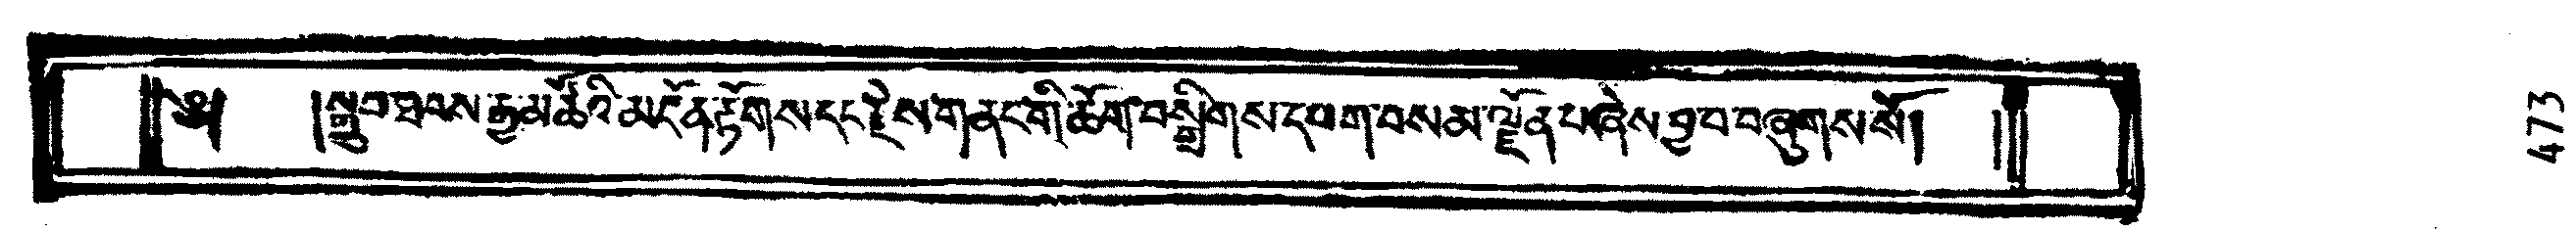༈། །སྒྲུབ་ཐབས་རྒྱ་མཚོའི་མངོན་རྟོགས་དང་རྗེས་གནང་གི་ཆོག་བསྒྲིགས་དཔག་བསམ་ལྗོན་པ་ཞེས་བྱ་བ་བཞུགས་སོ། །